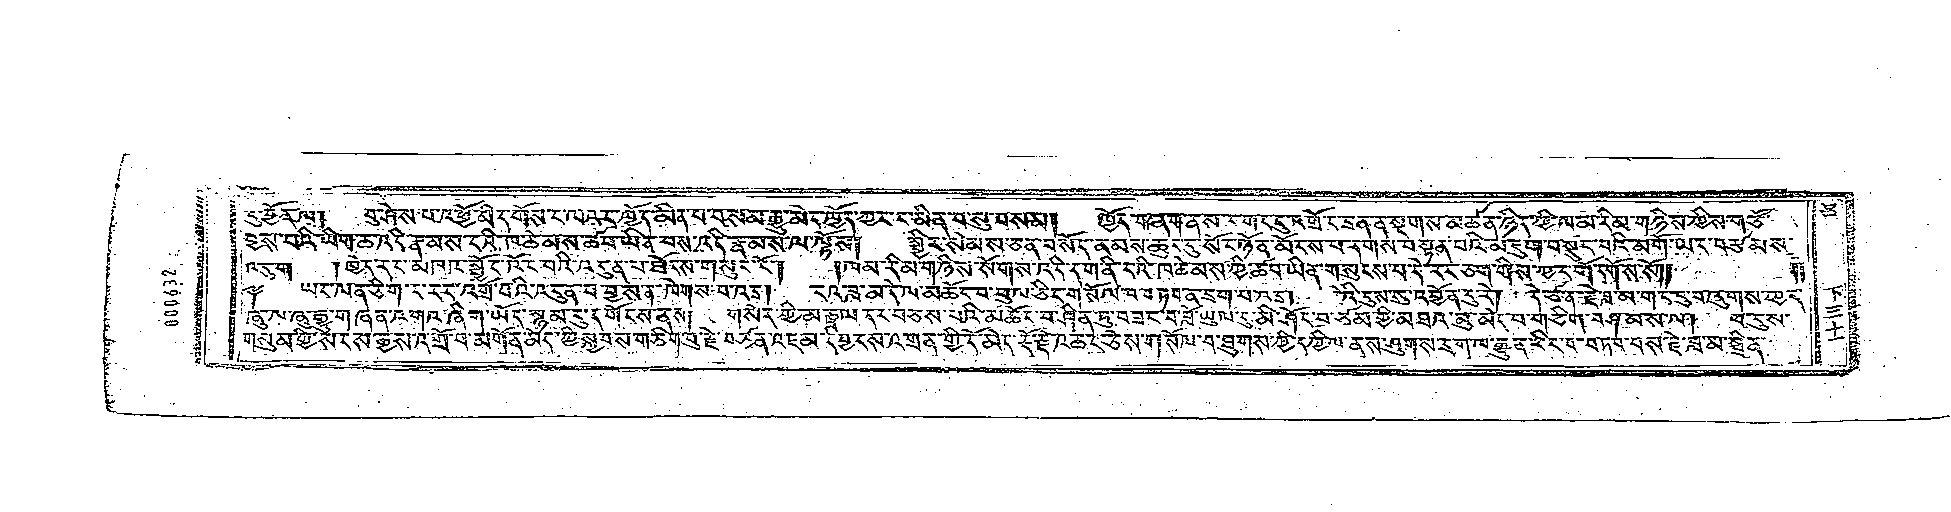དུ་བྱོན་ལ། བུ་ཤེས་པ་འཕྱོ་མི་དགོས་ང་ལའང་ཁྱོད་མིན་པ་བསམ་རྒྱུ་མེད་ཁྱོད་ཀྱང་ང་མིན་བ་སུ་བསམ། ཁྱོད་བཞག་ནས་ང་གང་དུ་འགྲོ་ང་དྲན་ན་སྔགས་མཚན་ཉིད་ཀྱི་ལམ་རིམ་གཉིས་ཀྱིས་གཙོ་
བྱས་པའི་ཡིག་ཆ་འདི་རྣམས་ངའི་ཁ་ཆེམས་ཚབ་ཡིན་པས་འདི་རྣམས་ལ་ལྟོས། སྤྱིར་སེམས་ཅན་བསོད་ནམས་ཆུང་དུ་སོང་ཉོན་མོངས་པ་རགས་བསྟན་པའི་མཇུག་བསྡུར་པའི་མགོ་ལང་བརྩམས་
འདུག །ཁྱེད་རང་མཁའ་སྤྱོད་འོང་བའི་འདུན་པ་ཐོངས་གསུང་ངོ། །ལམ་རིམ་གཉིས་སོགས་འདི་དག་ནི་ངའི་ཁ་ཆེམས་ཀྱི་ཚབ་ཡིན་གསུངས་པ་དེ་རང་ཅག་གིས་ཀྱང་གོ་དགོས་སོ།། །།
༈ ཡང་ལན་ཅིག་ང་རང་འགྲོ་བའི་འདུན་པ་བྱས་ན་ལེགས་བ་འདྲ། དའི་བླ་མ་དེ་ལ་མཆོད་བ་ཕུལ་ཅིང་གསོལ་བ་བཏབ་ན་དྲག་པ་འདྲ། དེའི་དུས་སུ་འབྱོན་དུ་རེ། དེ་ཙ་ན་རྗེ་བླ་མ་གང་དུ་བཞུགས་ཀྱང་
ཞུ་ལ་ཞུ་རྒྱུ་གཞན་འགའ་ཞིག་ཡོད་སྙམ་དུ་དགོངས་ནས། གསེར་གྱི་མཎྚལ་དང་བཅས་པའི་མཆོད་བ་ཤིན་ཏུ་བཟང་བ་བློ་ཡུལ་དུ་མི་ཤོང་བ་ཙམ་གྱི་མཐའ་མུ་མེད་བ་གཅིག་བཤམས་ལ། ཕ་དུས་
གསུམ་གྱི་སངས་རྒྱས་འགྲོ་བ་མགོན་མེད་ཀྱི་སྐྱབས་གཅིག་བུ་རྗེ་བཙན་འཇམ་དབྱངས་འགྲན་གྱི་དོ་མེད་རྡོ་རྗེ་འཆང་ཅེས་གསོལ་བ་ཐུགས་ཀྱི་དཀྱིལ་ནས་ཤུགས་དྲག་ལ་རྒྱུན་རིང་བ་བཏབ་པས་རྗེ་བླ་མ་སྤྲིན་